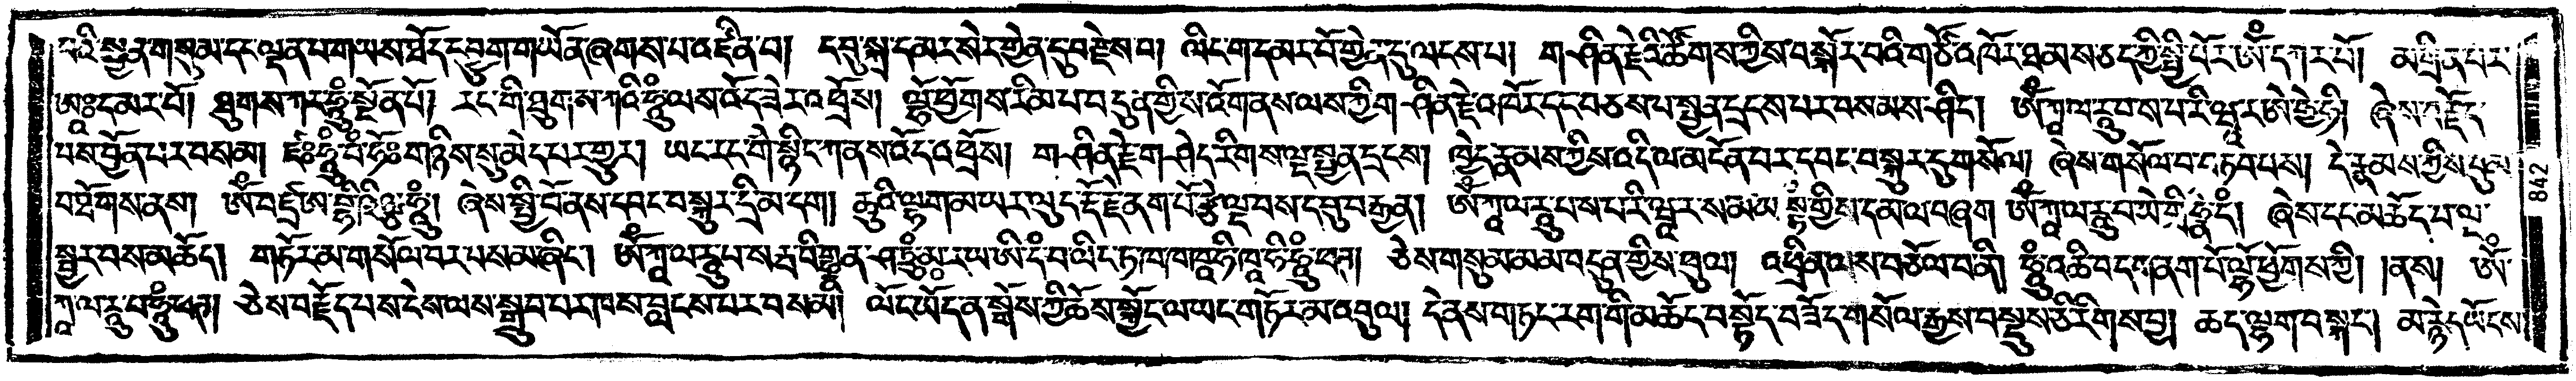པའི་སྤྱན་གསུམ་དང་ལྡན་པ་གཡས་ཐོད་དབྱུག་གཡོན་ཞགས་པ་འཛིན་པ། དབུ་སྐྲ་དམར་སེར་གྱེན་དུ་བརྫེས་བ། ལིང་ག་དམར་པོ་གྱེན་དུ་ལངས་པ། གཤིན་རྗེའི་ཚོགས་ཀྱིས་བསྐོར་བའི་གཙོ་འཁོར་ཐམས་ཅད་ཀྱི་སྦྱི་བོར་ཨོཾ་དཀར་པོ། མགྲིན་བར་
ཨཱཿ དམར་པོ། ཐུགས་གང་ཧཱུཾ་སྔོན་པོ། རང་གི་ཐུགས་ཀའི་ཧཱུཾ་ལས་འོད་ཟེར་འཕྲོས། ལྷོ་ཕྱོགས་རིམ་པ་བདུན་གྱིས་འོག་ནས་ལས་ཀྱི་གཤིན་རྗེ་འཁོར་དང་བཅས་པ་སྤྱན་དྲངས་པར་བསམས་ཤིང་། ཨོཾ་ཀཱ་ལ་རཱུ་བ་ས་པ་རི་ཝཱར་ཨེ་ཧྱེ་ཧི། ཞེས་བརྗོད་
པས་བྱོན་པར་བསམ། ཛཿ ཧཱུཾ་བཾ་ཧོཿ གཉིས་སུ་མེད་པར་གྱུར། ཡང་རང་གི་སྙིང་ཀ་ནས་འོད་འཕྲོས། གཤིན་རྗེ་གཤེད་རིགས་ལྡ་སྤྱན་དྲངས། ཁྱེད་རྣམས་ཀྱིས་འདི་ལ་མངོན་བར་དབང་བསྐུར་དུ་གསོལ། ཞེས་གསོལ་པ་བཏབ་པས། དེ་རྣམས་ཀྱིས་བུམ་
པ་ཐོགས་ནས། ཨོཾ་བཛྲ་ཨ་བྷི་ཥི་ལྕ་ཧཱུཾ། ཞེས་སྤྱི་ལོ་ནས་དབང་བསྐུར་དྲི་མ་དག། ཆུའི་ལྷག་མ་ཡར་ལུང་རྡོ་རྗེ་ནག་པོ་རྩེ་ལྔ་བས་དབུ་བརྒྱན། ཨོཾ་ཀཱ་ལ་རཱུ་པས་པ་རི་ཝཱར་སམ་ཡ་སྟི་གྱིས་དམ་ལ་བཞག་ཨོཾ་ཀཱ་ལ་རཱུ་བ་ཡེ་གྲི་ཧE་དཾ། ཞེས་དང་མཆོད་པ་ལྔ་
སྦྱར་བས་མཆོད། གཏོར་མ་གསོལ་བར་པས་མ་ཞིང་། ཨོཾ་ཀཱ་ལ་རཱུ་པ་སརྦ་བི་གྷྣན་ཤ་ཏྲུཾ་མ་ར་ཡ་ཨི་དཾ་བ་ལིད་ཏ་ཁ་ཁ་ཁཱ་ཧི་ཁཱ་ཧི་ཧཱུཾ་ཕཊ། ཅེས་གསུམ་མམ་བདུན་གྱིས་ཕུལ། འཕྲིན་ལས་བཅོལ་བ་ནི། ཧཱུཾ་འཆི་བདག་ནག་པོ་ལྷོ་ཕྱོགས་ཀྱི། །ནས། ཨོཾ་
ཀཱ་ལ་རཱུ་པ་ཧཱུཾ་ཕཊ། ཅེས་བརྗོད་པས་ངེས་ལས་སྒྲུབ་པར་ཁས་བླངས་པར་བསམ། ལོང་ཡོད་ན་སྒོས་ཀྱི་ཆོས་སྐྱོང་ལ་ཡང་གཏོར་མ་འབུལ། དེ་ནས་གཏང་རག་གི་མཆོད་བསྟོད་བཟོད་གསོལ་རྒྱས་བསྡུས་ཅི་རིགས་བྱ། ཆད་ལྷག་བསྐང་། མ་རྙེད་ཡོངས་